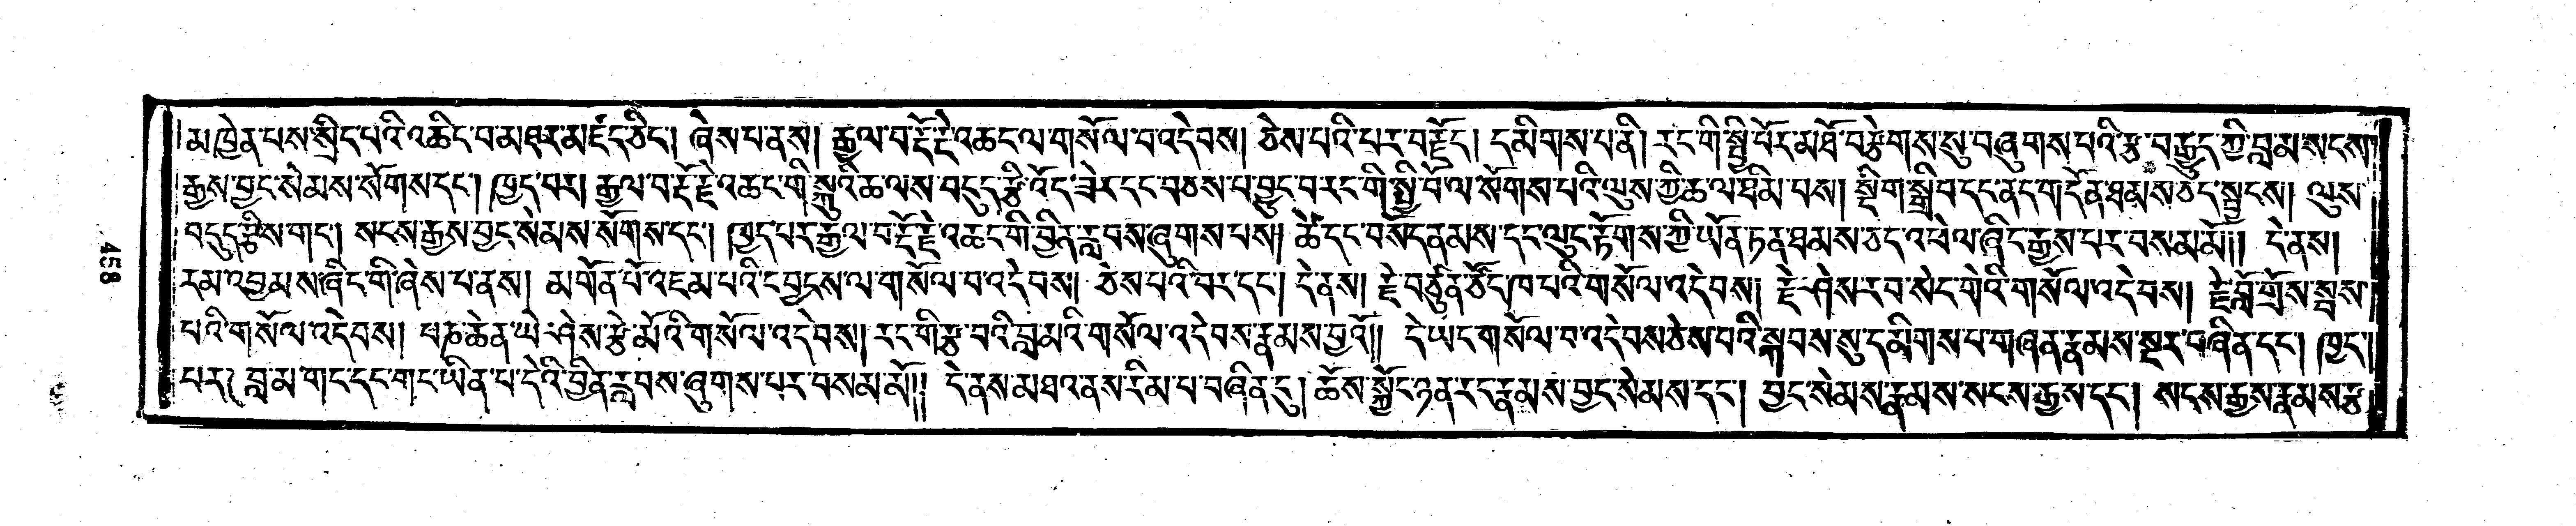མཁྱེན་པས་སྲིད་པའི་འཆིང་བ་མཐར་མཛད་ཅིང་། ཞེས་པ་ནས། རྒྱལ་བ་རྡོ་རྗེ་འཆང་ལ་གསོལ་བ་འདེབས། ཅེས་པའི་བར་བརྗོད། དམིགས་པ་ནི། རང་གི་སྤྱི་བོར་མཐོ་བརྩེགས་སུ་བཞུགས་པའི་རྩ་བརྒྱུད་ཀྱི་བླ་མ་སངས་
རྒྱས་བྱང་སེམས་སོགས་དང་། ཁྱད་པར། རྒྱལ་བ་རྡོ་རྗེ་འཆང་གི་སྐུའི་ཆ་ལས་བདུད་རྩི་འོད་ཟེར་དང་བཅས་པ་བྱུང་བ་རང་གི་སྤྱི་བོ་ལ་སོགས་པའི་ལུས་ཀྱི་ཆ་ལ་ཐིམ་པས། སྡིག་སྒྲིབ་དང་ནང་གི་དོན་ཐམས་ཅད་སྦྱངས། ལུས་
བདུད་རྩིས་གང་། སངས་རྒྱས་བྱང་སེམས་སོགས་དང་། ཁྱད་པར་རྒྱལ་བ་རྡོ་རྗེ་འཆང་གི་བྱིན་རླབས་ཞུགས་པས། ཚེ་དང་བསོད་ནམས་དང་ལུང་རྟོགས་ཀྱི་ཡོན་ཏན་ཐམས་ཅད་འཕེལ་ཞིང་རྒྱས་པར་བསམ་མོ། །དེ་ནས།
རབ་འབྱམས་ཞིང་གི་ཞེས་པ་ནས། མགོན་པོ་འཇམ་པའི་དབྱངས་ལ་གསོལ་བ་འདེབས། ཅེས་པའི་བར་དང་། དེ་ནས། རྗེ་བཙུན་ཙོང་ཁ་པའི་གསོལ་འདེབས། རྗེ་ཤེས་རབ་སེང་གེའི་གསོལ་འདེབས། རྗེ་བློ་གྲོས་སྦས་
པའི་གསོལ་འདེབས། པཎ་ཆེན་ཡེ་ཤེས་རྩེ་མོའི་གསོལ་འདེབས། རང་གི་རྩ་བའི་བླ་མའི་གསོལ་འདེབས་རྣམས་བྱའོ། །དེ་ཡང་གསོལ་བ་འདེབས་ཅེས་པའི་སྐབས་སུ་དམིགས་པ་གཞན་རྣམས་སྔར་བཞིན་དང་། ཁྱད་
པར། བླ་མ་གང་དང་གང་ཡིན་པ་དེའི་བྱིན་རླབས་ཞུགས་པར་བསམ་མོ། །དེ་ནས་མཐའ་ནས་རིམ་པ་བཞིན་དུ། ཆོས་སྐྱོང་ཉན་རང་རྣམས་བྱང་སེམས་དང་། བྱང་སེམས་རྣམས་སངས་རྒྱས་དང་། སངས་རྒྱས་རྣམས་རྩ་